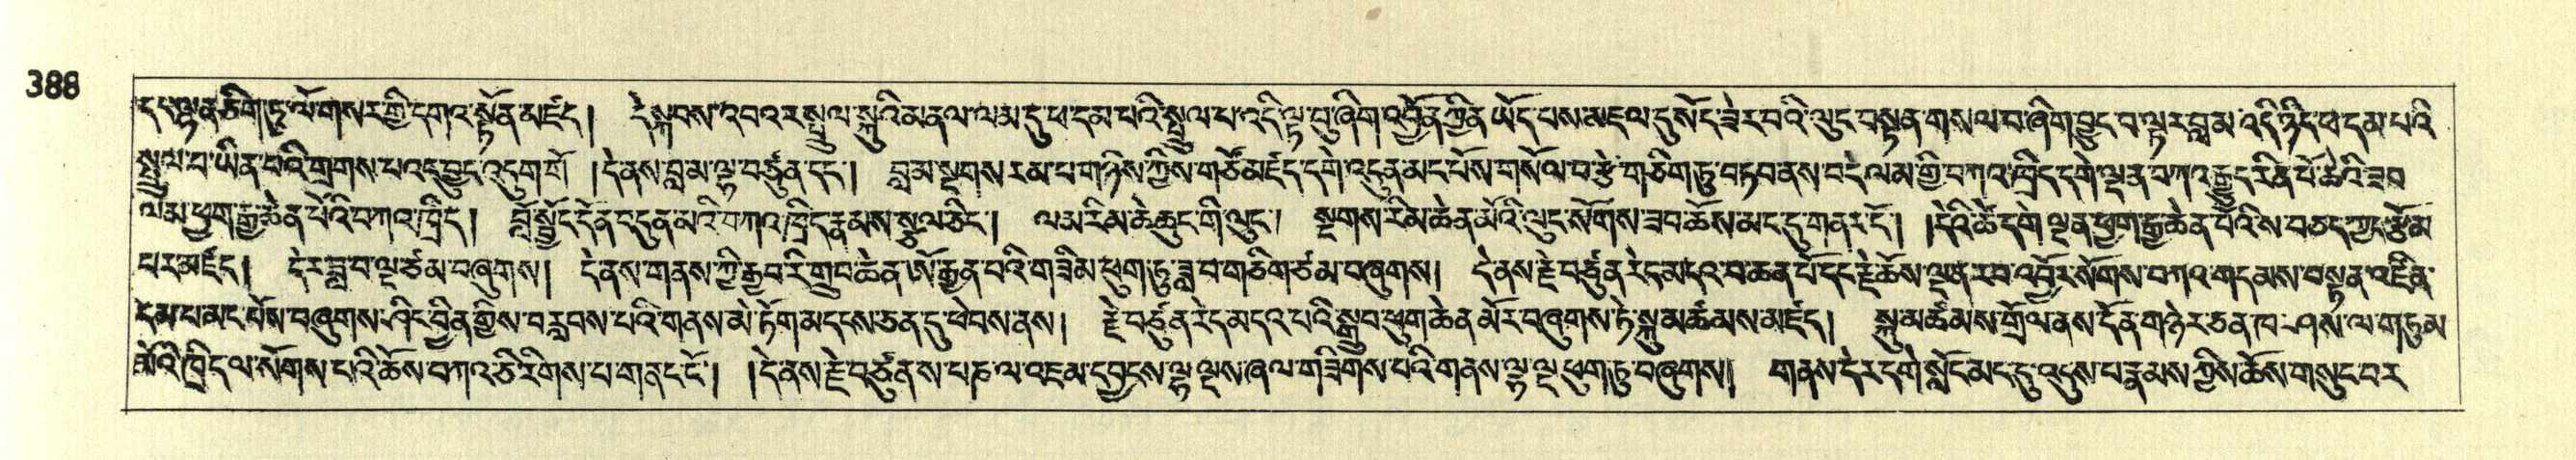དང་ལྷན་ཅིག་ཏུ་ལོ་གསར་གྱི་དགའ་སྟོན་མཛད། དེ་སྐབས་འབའ་སྤྲུལ་སྐུའི་མནལ་ལམ་དུ་ཕ་དམ་པའི་སྤྲུལ་པ་འདི་ལྟ་བུ་ཞིག་འབྱོན་ཀྱིན་ཡོད་པས་མཇལ་དུ་སོད་ཟེར་བའི་ལུང་བསྟན་གསལ་བ་ཞིག་བྱུང་བ་ལྟར་བླ་མ་འདི་ཉིད་ཕ་དམ་པའི་
སྤྲུལ་པ་ཡིན་པའི་གྲགས་པའང་བྱུང་འདུག་གོ །དེ་ནས་བླ་མ་ལྷ་བཙུན་དང་། བླ་མ་སྔགས་རམ་པ་གཉིས་ཀྱིས་གཙོ་མཛད་དགེ་འདུན་མང་པོས་གསོལ་བ་རྩེ་གཅིག་ཏུ་བཏབ་ནས་བདེ་ལམ་གྱི་བཀའ་ཁྲིད་དགེ་ལྡན་བཀའ་རྒྱུད་རིན་པོ་ཆེའི་ཟབ་
ལམ་ཕྱག་རྒྱ་ཆེན་པོའི་བཀའ་ཁྲིད། བློ་སྦྱོང་དོན་བདུན་མའི་བཀའ་ཁྲིད་རྣམས་སྩལ་ཅིང་། ལམ་རིམ་ཆེ་ཆུང་གི་ལུང་། སྔགས་རིམ་ཆེན་མོའི་ལུང་སོགས་ཟབ་ཆོས་མང་དུ་གནར་ངོ། །དེའི་ཚེ་དགེ་ལྡན་ཕྱག་རྒྱ་ཆེན་པོའི་ས་བཅད་ཀྱང་རྩོམ་
པར་མཛད། དེར་ཟླ་བ་ལྔ་ཙམ་བཞུགས། དེ་ནས་གནས་ཀྱི་རྒྱབ་རི་གྲུབ་ཆེན་ཨོ་རྒྱན་བའི་གཟིམ་ཕུག་ཏུ་ཟླ་བ་གཅིག་ཙམ་བཞུགས། དེ་ནས་རྗེ་བཙུན་རེད་མདའ་བ་ཆན་པོ་དང་རྗེ་ཆོས་ལྡན་རབ་འབྱོར་སོགས་བཀའ་གདམས་བསྟན་འཛིན་
དམ་པ་མང་པོས་བཞུགས་ཤིང་བྱིན་གྱིས་བརླབས་པའི་གནས་མེ་ཏོག་མདངས་ཅན་དུ་ཕེབས་ནས། རྗེ་བཙུན་རེད་མདའ་པའི་སྒྲུབ་ཕུག་ཆེན་མོར་བཞུགས་ཏེ་སྐུ་མཚམས་མཛད། སྐུ་མཚམས་གྲོལ་ནས་དོན་གཉེར་ཅན་ཁ་ཤས་ལ་གཏུམ་
མོའི་ཁྲིད་ལ་སོགས་པའི་ཆོས་བཀའ་ཅི་རིགས་པ་གནང་ངོ། །དེ་ནས་རྗེ་བཙུན་ས་པཎ་ལ་འཇམ་དབྱངས་ལྷ་ལྔས་ཞལ་གཟིགས་པའི་གནས་ལྷ་ལྔ་ཕུག་ཏུ་བཞུགས། གནས་དེར་དགེ་སློང་མང་དུ་འདུས་པ་རྣམས་ཀྱིས་ཆོས་གསུང་བར་